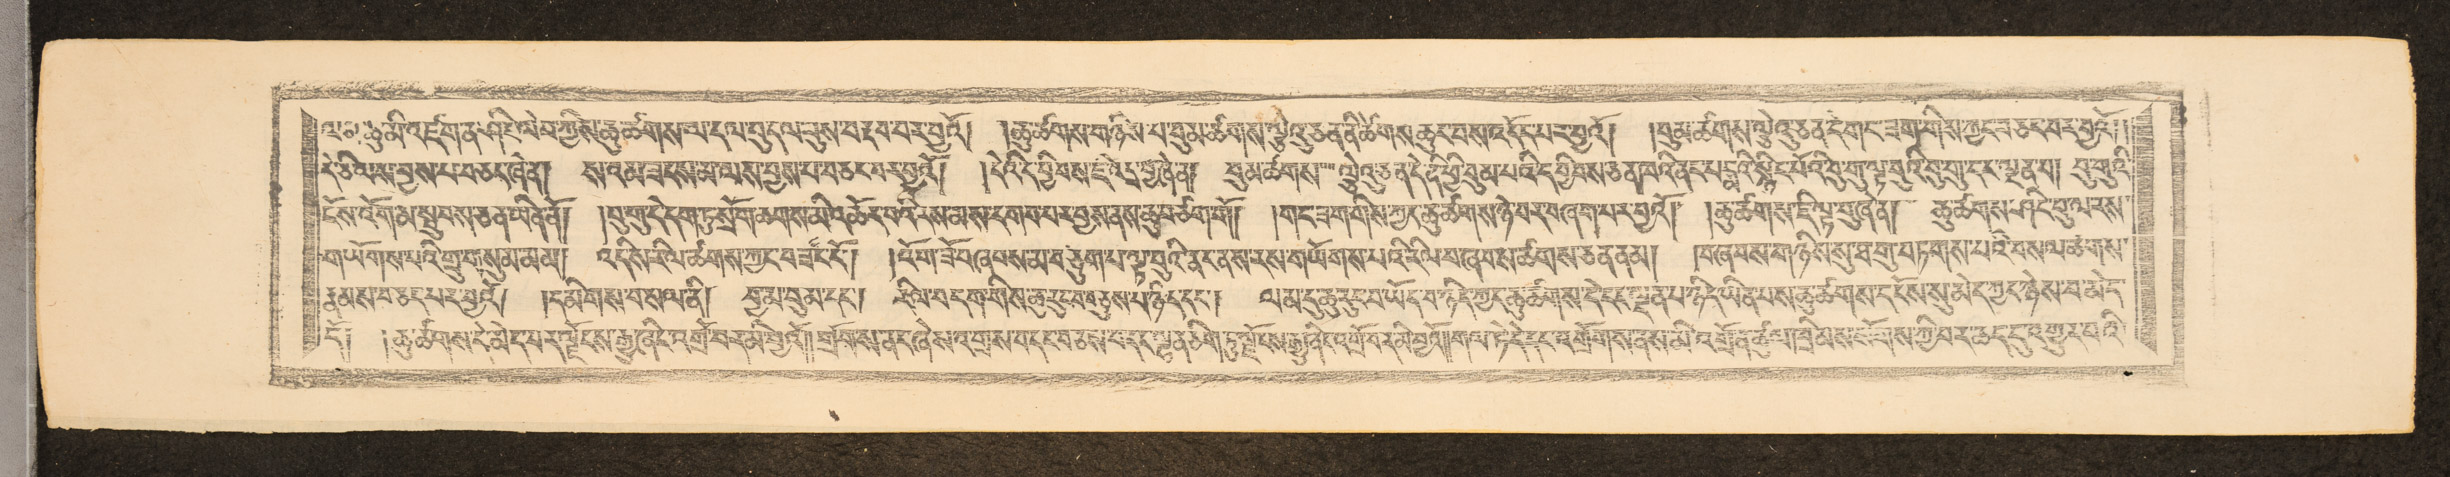ལས་ཆུ་མི་འཛག་ན་ཤིང་ལེབ་ཀྱིས་ཆུ་ཚགས་ལ་དལ་བུ་དལ་བུས་བརྡབ་པར་བྱའོ། །ཆུ་ཚགས་གཉིས་པ་བུམ་ཚགས་ལྕེའུ་ཅན་ནི་ཚེགས་ཆུང་བས་འདོད་པར་བྱའོ། །བུམ་ཚགས་ལྕེའུ་ཅན་དེ་གང་ཟག་གིས་ཀྱང་བཅང་བར་བྱའོ།།
དེ་ཅི་ལས་བྱས་པ་བཅང་ཞེ་ན། སའམ་ཟངས་མ་ལས་བྱས་པ་བཅང་བར་བྱའོ། །དེའི་དབྱིབས་ཇི་འདྲ་བྱ་ཞེ་ན། བུམ་ཚགས་ལྕེའུ་ཅན་དེ་ནི་ཕྱི་བུམ་པའི་དབྱིབས་ཅན་ཁའི་ནང་པདམའི་སྙིང་པོའི་བུ་གུ་ལྟ་བུའི་བུ་གུ་དང་ལྡན་པ། བུ་གུའི་
ངོས་འོག་མ་སྦུབས་ཅན་ཡིན་ནོ། །བུ་གུ་དེ་དག་ཏུ་སྲོག་ཆགས་མི་འཆོར་བའི་རས་མས་དགབ་པར་བྱས་ནས་ཆུ་བཙག་གོ། །གང་ཟག་གིས་ཀྱང་ཆུ་ཚགས་ཉེ་བར་བཞག་པར་བྱའོ། །ཆུ་ཚགས་ཇི་ལྟ་བུ་ཞེ་ན། ཆུ་ཚགས་ཤིང་བུ་ལ་རས་
གཡོགས་པའི་གྲུ་གསུམ་མམ། འདིས་རིལ་ཚགས་ཀྱང་བཟུང་ངོ། །འོག་ཟོ་བ་ཞབས་མ་བཅུག་པ་ལྟ་བུའི་ནང་ནས་རས་གཡོགས་པའི་རིལ་བ་ཞབས་ཚགས་ཅན་ནམ། ཁ་ཞབས་གཉིས་སུ་ཐ་གུ་བཏགས་པའི་བསལ་ཚགས་
རྣམས་བཅད་པར་བྱའོ། །དམིགས་བསལ་ནི། བྱམ་བུམ་དང་། རིལ་བདག་གིས་ཆུ་རུང་བ་བཅུས་པ་ཉིད་དང་། ལམ་དུ་ཆུ་དུང་བ་ཡོད་པ་ཉིད་ཀྱང་ཆུ་ཚགས་དེ་དང་ལྡན་པ་ཉིད་ཡིན་པས་ཆུ་ཚགས་དངོས་སུ་མེད་ཀྱང་ཉེས་པ་མེད་
དོ༑ ༑ཆུ་ཚགས་དེ་མེད་པར་ལྗོངས་རྒྱུ་ཞིང་འགྲོ་བར་མི་བྱའོ། །གྲོགས་ནང་ཞེས་འགྲས་པ་དང་བཅས་པ་དང་ལྷན་ཅིག་ཏུ་ལྗོངས་རྒྱུ་ཞིང་འགྲོ་བར་མི་བྱའོ། གལ་ཏེ་དེ་དང་འགྲོགས་ནས་མི་འགྲོན་ཚུལ་ཁྲིམས་སོགས་ཀྱི་བར་ཆད་དུ་འགྱུར་བའི་